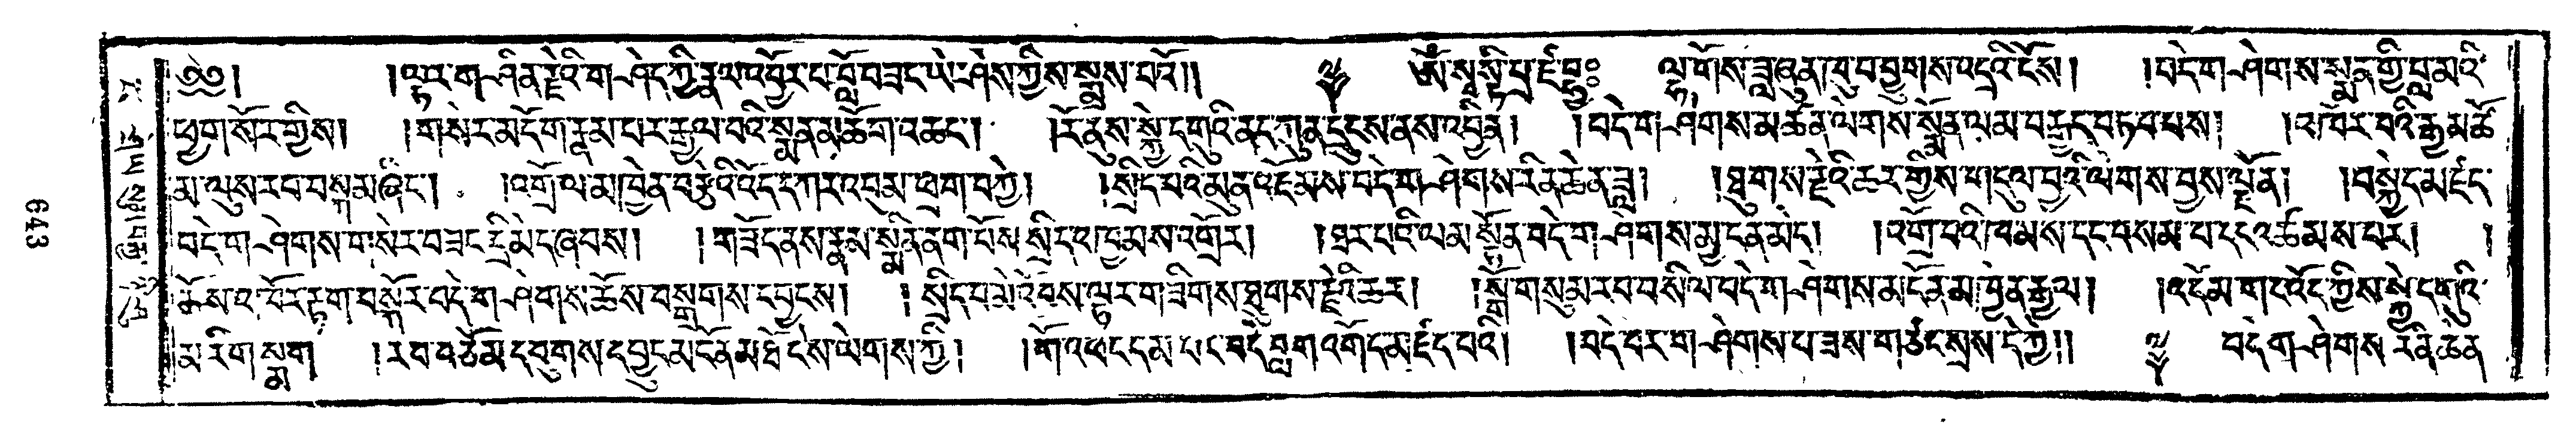༄༅། །ལྟར་གཤིན་རྗེའི་གཤེད་ཀྱི་རྣལ་འབྱོར་པ་བློ་བཟང་ཡེ་ཤེས་ཀྱིས་སྨྲས་པའོ།། ༈ ཨོཾ་སྭ་སྟི་པྲ་ཛ་བྷྱཿ ལྷ་གོས་ཟླ་ཞུན་ཁུ་བ་བྱུགས་འདྲའི་ངོས། །བདེ་གཤེགས་སྨན་གྱི་བླ་མའི་
ཕྱག་སོར་གྱིས། །གསེར་མདོག་རྣམ་པར་རྒྱལ་བའི་སྨན་མཆོག་འཆང་། །རོ་ནུས་སྐྱེ་དགུའི་ནང་ཀུན་དྲུངས་ནས་འབྱིན། །བདེ་གཤེགས་མཚན་ལེགས་སྨོན་ལམ་བརྒྱད་བཏབ་པས། །འཁོར་བའི་རྒྱ་མཚོ་
མ་ལུས་རབ་བསྐམ་ཞིང་། །འགྲོ་ལ་མཁྱེན་བརྩེའི་འོད་དཀར་འབུམ་ཕྲག་བཀྱེ། །སྲིད་པའི་མུན་འཇོམས་བདེ་གཤེགས་རིན་ཆེན་ཟླ། །ཐུགས་རྗེའི་ཆར་གྱིས་གདུལ་བྱའི་ལེགས་བྱས་ལྗོན། །བསྐྱེད་མཛད་
བདེ་གཤེགས་གསེར་བཟང་དྲི་མེད་ཞབས། །གཟོད་ནས་རྣམ་སྨིན་ནག་པོས་སྲིད་འཁྱམས་འགྲོར། །ཐར་པའི་ལམ་སྟོན་བདེ་གཤེགས་མྱ་ངན་མེད། །འགྲོ་བའི་ཁམས་དང་བསམ་པ་དང་འཚམས་པར། །
ཆོས་འཁོར་རྟག་བསྐོར་བདེ་གཤེགས་ཆོས་བསྒྲགས་དབྱངས། །སྲིད་པ་མེ་འོ་བས་ལྟར་གཟིགས་ཐུགས་རྗེའི་ཆར། །སྒོ་གསུམ་རབ་བ་སིལ་བདེ་གཤེགས་མངོན་མཁྱེན་རྒྱལ། །འདོམ་གང་འོད་ཀྱིས་སྐྱེ་དགུའི་
མ་རིག་སྨག །རབ་བཅོམ་དབུགས་དབྱུང་མངོན་མཐོ་ངེས་ལེགས་ཀྱི། །གོ་འཕང་དམ་པར་བདེ་བླག་འགོད་མཛད་པའི། །བདེ་བར་གཤེགས་པ་ཟས་གཙང་སྲས་དེ་ཀྱེ།། ༈ བདེ་གཤེགས་རིན་ཆེན་